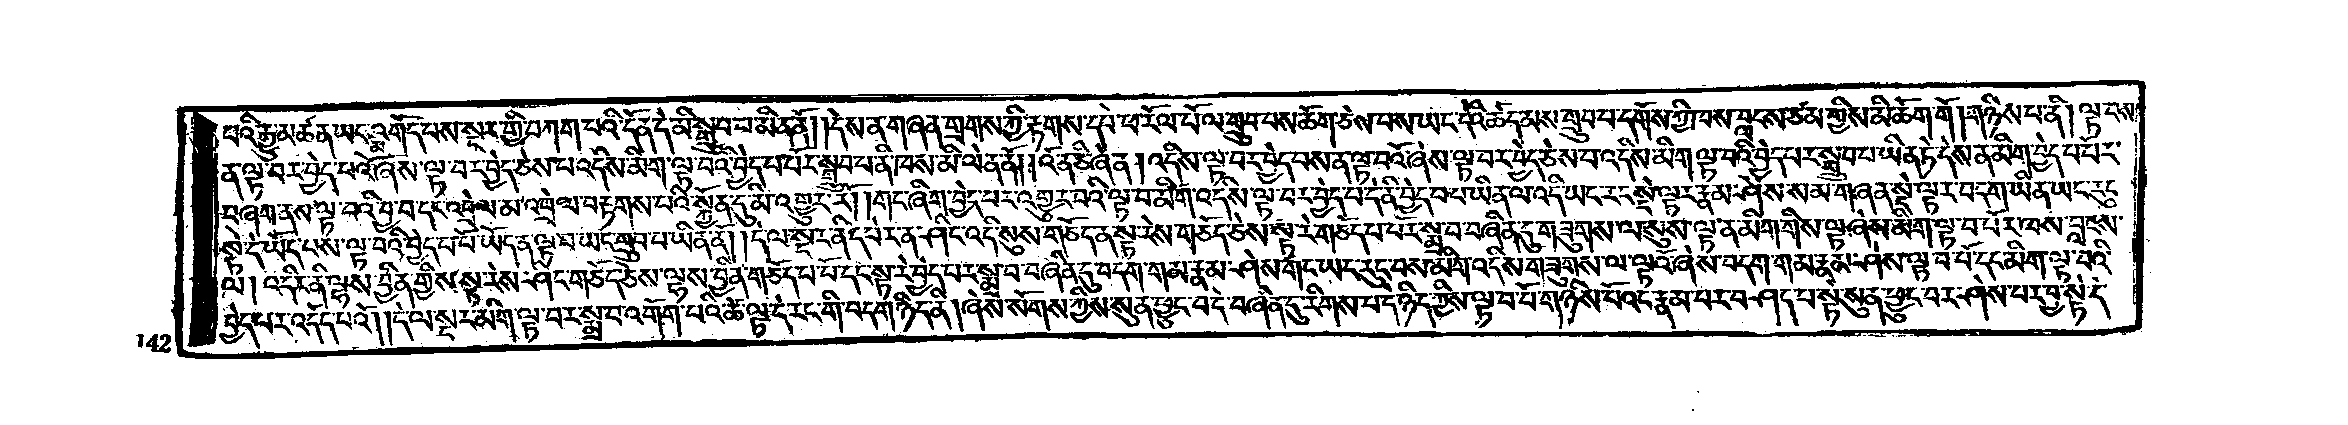པའི་རྒྱུ་མཚན་ཡང་འགོད་པས་སྔར་གྱི་བཀག་པའི་དོན་དེ་མི་སྒྲུབ་པ་མིན་ནོ། །དེས་ན་གཞན་གྲགས་ཀྱི་རྟགས་དང་ཕ་རོལ་པོ་ལ་གྲུབ་པས་ཆོག་ཅེས་པས་ཡང་དེའི་ཆེད་མས་གྲུབ་པ་དགོས་ཀྱི་ཁས་བླངས་ཙམ་གྱིས་མི་ཆོག་གོ། གཉིས་པ་ནི། ལྟ་བས་
ན་ལྟ་བར་བྱེད་པའོ་ཞེས་ལྟ་བར་བྱེད་ཅེས་པ་འདིས་མིག་ལྟ་བའི་བྱེད་པ་པོར་སྒྲུབ་པ་ནི་ཁས་མི་ལེན་ནོ། །འོ་ན་ཅི་ཞེ་ན། འདིས་ལྟ་བར་བྱེད་པས་ན་ལྟ་བའོ་ཞེས་ལྟ་བར་བྱེད་ཅེས་པ་འདིས་མིག་ལྟ་བའི་བྱེད་པར་སྒྲུབ་པ་ཡིན་ཏེ་དེས་ན་མིག་བྱེད་པ་པོར་
བཞག་ནས་ལྟ་བའི་བྱ་བ་དང་འབྲེལ་མ་འབྲེལ་བརྟགས་པའི་སྐྱོན་དུ་མི་འགྱུར་རོ། །གང་ཞིག་བྱེད་པར་འགྱུར་བའི་ལྟ་བ་མིག་འདིས་ལྟ་བར་བྱེད་པ་དེ་ནི་བྱེད་དཔ་ལ་ཡིན་ལ་འདི་ཡང་རང་སྡེ་ལྟར་རྣམ་ཤེས་སམ་གཞན་སྡེ་ལྟར་བདག་ཡིན་ཡང་རུང་
སྟེ་དེ་ཡོད་པས་ལྟ་བའི་བྱེད་པ་པོ་ཡོད་ན་ལྟ་བ་ཡང་གྲུབ་པ་ཡིན་ནོ། །དེ་ལ་སྔར་ནི་དཔེར་ན་ཤིང་འདི་སུས་གཅོད་ན་སྟ་རེས་གཅོད་ཅེས་སྟ་རེ་གཅོད་པ་པོར་སྨྲ་བ་བཞིན་དུ་གཟུགས་ལ་སུས་ལྟ་ན་མིག་གིས་ལྟ་ཞེས་མིག་ལྟ་བ་པོར་ཁས་བླངས་
ལ། འདིར་ནི་ལྷས་བྱིན་གྱིས་སྟ་རེས་ཤིང་གཅོད་ཅེས་ལྷས་བྱིང་ཅོད་པ་པོ་དང་སྟ་རེ་བྱེད་པར་སྨྲ་བ་བཞིན་དུ་བདག་གམ་རྣམ་ཤེས་གང་ཡང་རུང་བས་མིག་འདིས་གཟུགས་ལ་ལྟའོ་ཞེས་བདག་གམ་རྣམ་ཤེས་ལྟ་བ་པོ་དང་མིག་ལྟ་བའི་
བྱེད་པར་འདོད་པའོ། །དེ་ལ་སྔར་མིག་ལྟ་བར་སྨྲ་བ་འགོག་པའི་ཚེ་ལྟ་དེ་རང་གི་བདག་ཉིད་ནི། ཞེས་སོགས་ཀྱིས་སུན་ཕྱུང་བ་དེ་བཞིན་དུ་རིགས་པ་དེ་ཉིད་ཀྱིས་ལྟ་བ་པོ་གཉིས་པོའང་རྣམ་པར་བཞད་པ་སྟེ་སུན་ཕྱུང་བར་ཤེས་པར་བྱ་སྟེ་དེ་